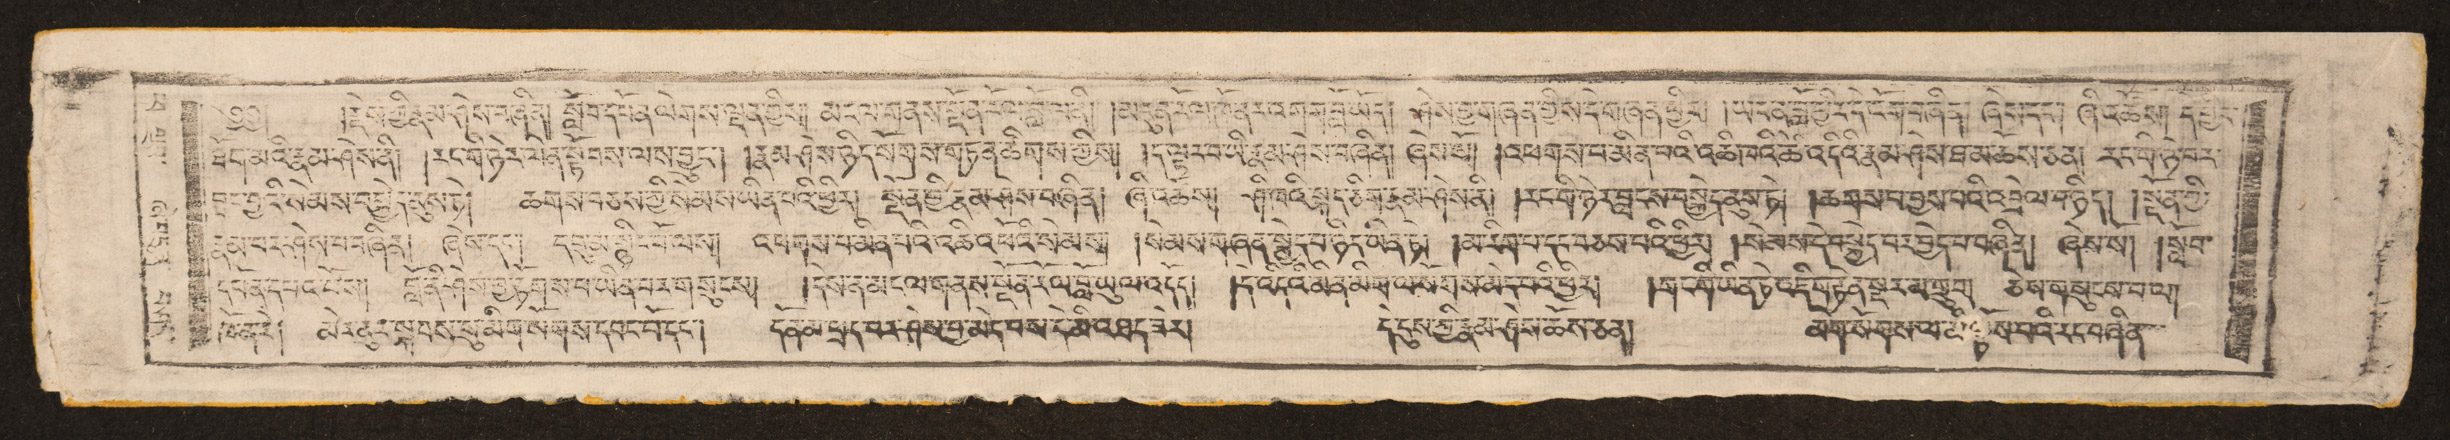༄༅། །རྗེས་ཀྱི་རྣམ་ཤེས་བཞིན། སློབ་དཔོན་ལེགས་ལྡན་གྱིས། མངལ་གནས་སྔོན་རོལ་བློ་ལ་ནི། །མདུན་རོལ་ཁོ་ནར་འགག་བློ་ཡོད། ཤེས་བྱ་གཞན་གྱིས་དེ་གཞན་ཕྱིར། །ཡང་ན་བློ་ཕྱིར་དེ་འོག་བཞིན། ཞེས་དང་། ཞི་འཚོས། དེ་ཕྱིར་
ཐོག་མའི་རྣམ་ཤེས་ནི། །རང་གི་ཉེར་ལེན་སྟོབས་ལས་བྱུང་། །རྣམ་ཤེས་ཉིད་སོགས་གཏན་ཚིགས་ཀྱིས། །ད་ལྟར་བ་ཡི་རྣམ་ཤེས་བཞིན། ཞེས་སོ། །འཕགས་པ་མིན་པའི་འཆི་ཁའི་ཚེ་འདིའི་རྣམ་ཤེས་ཐ་མ་ཆོས་ཅན། རང་གི་ཉེ་བར་
བླང་བྱའི་སེམས་བསྐྱེད་ནུས་ཏེ། ཆགས་བཅས་ཀྱི་སེམས་ཡིན་པའི་ཕྱིར། སྔོན་གྱི་རྣམ་ཤེས་བཞིན། ཞི་འཚོས། ཤི་ཁའི་སྐད་ཅིག་རྣམ་ཤེས་ནི། །རང་གི་ཉེར་བླངས་བསྐྱེད་ནུས་ཏེ། །ཆགས་བ་བྱས་པའི་འབྲེལ་བ་ཉིད། །སྔོན་གྱི་
རྣམ་པར་ཤེས་བ་བཞིན། ཞེས་དང་། དབུ་མ་སྙིང་པོ་ལས། འཕགས་པ་མིན་པའི་འཆི་འཕོའི་སེམས། །སེམས་གཞན་སྐྱེད་བ་ཉིད་ཡིན་ཏེ། །མ་རིག་པ་དང་བཅས་པའི་ཕྱིར། །སེམས་དེ་བསྐྱེད་བར་བྱེད་པ་བཞིན། ཞེས་སོ། །སློབ་
དབོན་དགའ་པོས། བློ་ནི་ཤེས་བྱ་རྟོགས་པ་ཡིན་པར་གསུངས། །དེས་ན་མངལ་གནས་སྔོན་རོལ་བློ་ཡུལ་འདོད། །དེ་འདིའི་མིན་མིག་ལ་སོགས་མེད་བའི་ཕྱིར། །གང་གི་ཡིན་ཏེ་འཇིག་རྟེན་སྔར་མ་གྲུབ། ཅེས་གསུངས་པ་ལ།
ཁོ་ན་རེ། མེར་ནུར་སྐབས་སུ་མིག་སོགས་དབང་པོ་དང་། དོན་མ་ཕྲད་པར་ཤེས་བྱ་མེད་པས་དེ་མི་འཐད་ཟེར། དེ་དུས་ཀྱི་རྣམ་ཤེས་ཆོས་ཅན། མིག་སོགས་ལ་མི་ལྟོས་བའི་རང་བཞིན་